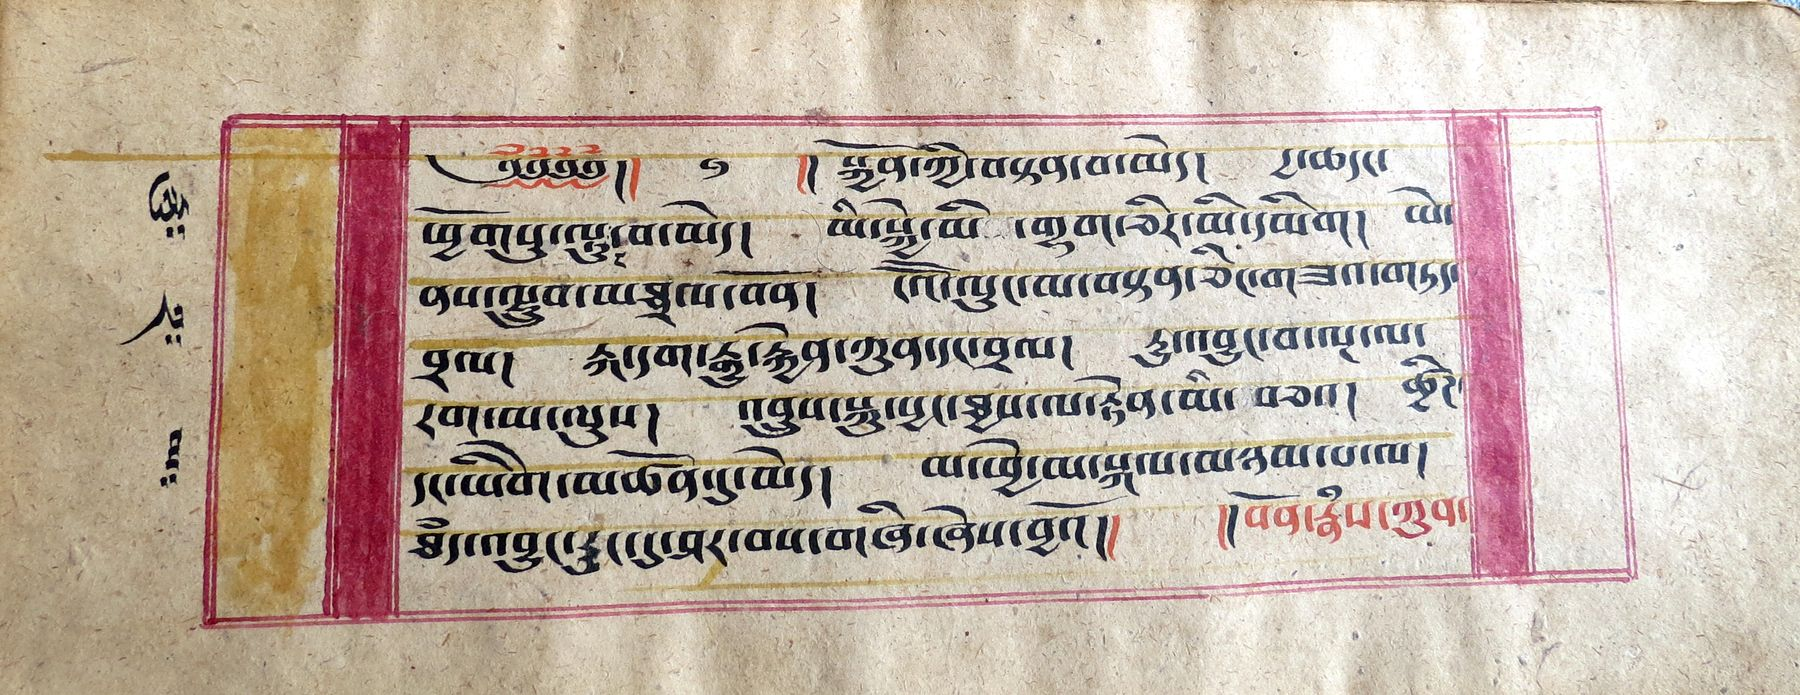སྐྱོན་གྱིས་བསྟན་པ་མེད། ། རྒྱ་ཆད་
ཕྱོགས་སུ་ལྷུང་བ་མེད། ། མི་སྐྱེ་མི་འགག་ཅིར་མི་དམིགས། ། ཡེ་
ནས་ལྷུན་གྲུབ་མཐའ་བྲལ་བོན། ། ངོ་བོ་ལུང་མ་བསྟན་ཅིང་གཟའ་གཏད་
བྲལ། ། རྐ་༼ཀ༽དག་རྒྱུ་རྐྱེན་ཀུན་དང་བྲལ། ། རྒྱུ་འབྱུང་བ་ལྔ་ལ་
རག་མ་ལུས། ། འབྲས་བུ་སྐུ་གསུང་ཐུགས་ལ་རྟེན་མི་བཅའ། ། ཚིག་
དང་ཡི་གེ་མཚོན་དུ་མེད། ། མ་ཕྱེ་མ་སྐལ་མཉམ་པ་ལ། ། 
ཐམས་ཅད་འབྱུང་རུང་དུ་ཤར་བས་གཞི་ཞེས་བྱའོ། ། བོན་རྣམས་ཀུན་